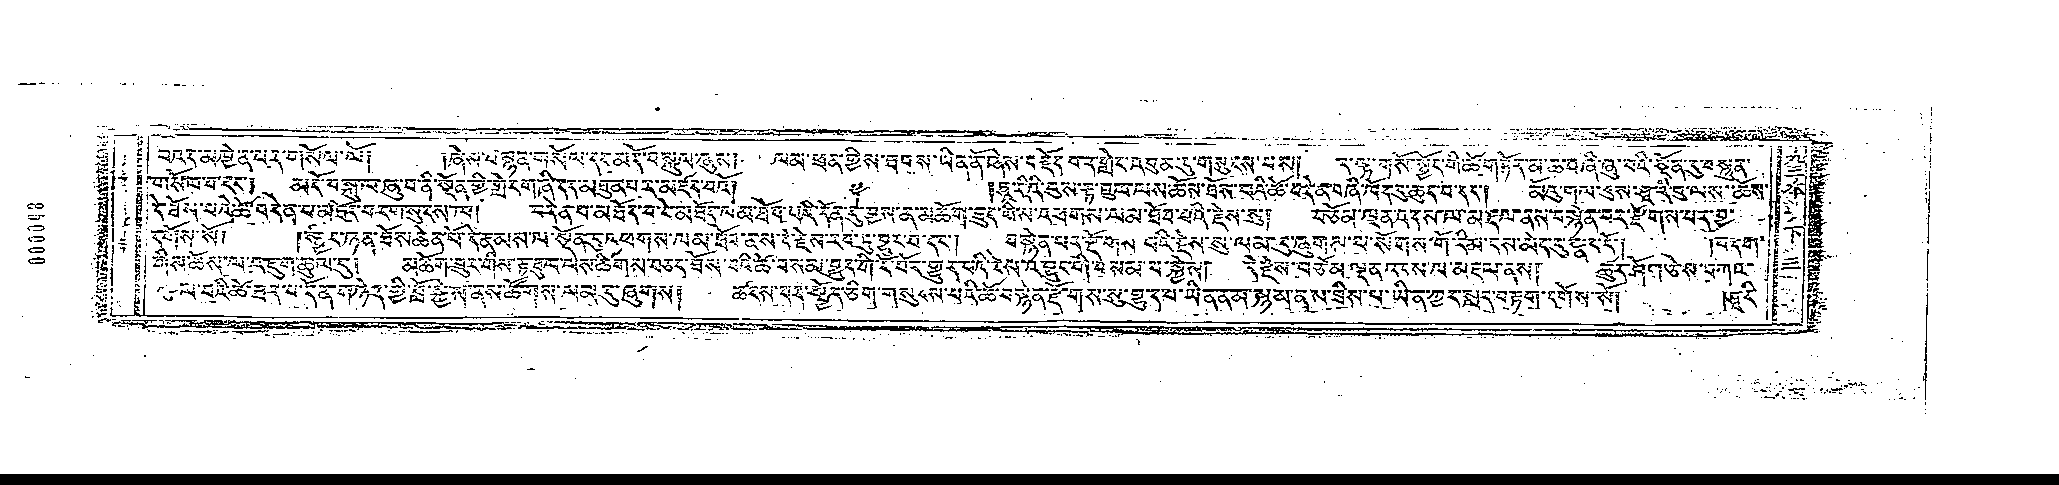བའད་མཁྱེན་པར་གསོལ་ལོ། །ཞེས་བསྙན་གསོལ་དང་མདོ་བསྐུལ་ཞུས། ལམ་ཕྲན་གྱིས་ཐབས་ཡིན་ནོ་ཞེས་བརྗོད་བར་གླེང་འབུམ་དུ་གསུངས་པས། ད་ལྟ་གསོ་སྦྱོང་གི་ཆོ་གཏོར་མ་ཆ་བཞི་ཞུ་བའི་སྔོན་དུ་བསྙན་
གསོལ་བ་དང་། མདོ་བསྐུལ་ཞུ་བ་ནི་སྔོན་གྱི་གླེང་གཞི་དང་མཐུན་པར་མཛད་པའོ། ༈ །ཤཱ་རིའི་བུས་རྟ་ཐུལ་ལས་ཆོས་ཐོས་པའི་ཚེ་བདེན་བཞི་ཁོང་དུ་ཆུད་པ་དང་། མོའུ་གྲས་བུས་ཤཱ་རི་བུ་ལས་ཆོས་
དེ་ཐོས་པའི་ཚེ་བདེན་པ་མཐོད་བར་གསུངས་ལ། བདེན་པ་མཐོང་བ་དེ་མཐོང་ལམ་ཐོབ་པའི་དོན་དུ་བྱས་ན་མཆོག་ཟུང་གིས་འཕགས་ལམ་ཐོབ་པའི་རྗེས་སུ། བཅོམ་ལྡན་འདས་ལ་མཇལ་ནས་བསྙེན་པར་རྫོགས་པར་བྱ་
དགོས་སོ། །སྦྱིར་ཉན་ཐོས་ཆེན་པོ་དེ་རྣམས་ལ་སྔོན་དུ་འཕགས་ལམ་ཐོབ་ནས་དེ་རྗེས་རབ་ཏུ་བྱུང་བ་དང་། བསྙེན་པར་རྫོགས་པའི་རྗེས་སུ་ལམ་དུ་ཞུགས་པ་སོགས་གོ་རིམ་དེས་མེད་དུ་སྣང་ངོ། །བདག་
གིས་ཆོས་ལ་འཇུག་ཚུལ་དུ། མཚེག་ཟུང་གིས་རྟ་ཐུལ་ལས་ཚིགས་བཅད་ཐོས་པའི་ཚེ་བསམ་བྱུང་གི་ངོ་བོར་གྱུར་པའི་དེས་འབྱུང་གི་བསམ་པ་སྐྱེས། དེ་རྗེས་བཅོམ་ལྡན་འདས་ལ་མཇའ་ནས། ཚུར་ཤོག་ཅེས་བཀའ་
སྩལ་བའི་ཚེ་ཐར་པ་དོན་གཉེར་གྱི་བློ་སྐྱེས་ནས་ཚོགས་ལམ་དུ་ཞུགས། ཚངས་པར་སྤྱོད་ཅིག་གསུངས་པའི་ཚེ་བསྙེན་རྫོགས་སུ་གྱུར་པ་ཡིན་ནམ་སྙམ་ནས་བྲིས་པ་ཡིན་ཀྱང་སླར་བརྟགས་དགོས་སོ། །ཤཱ་རི་